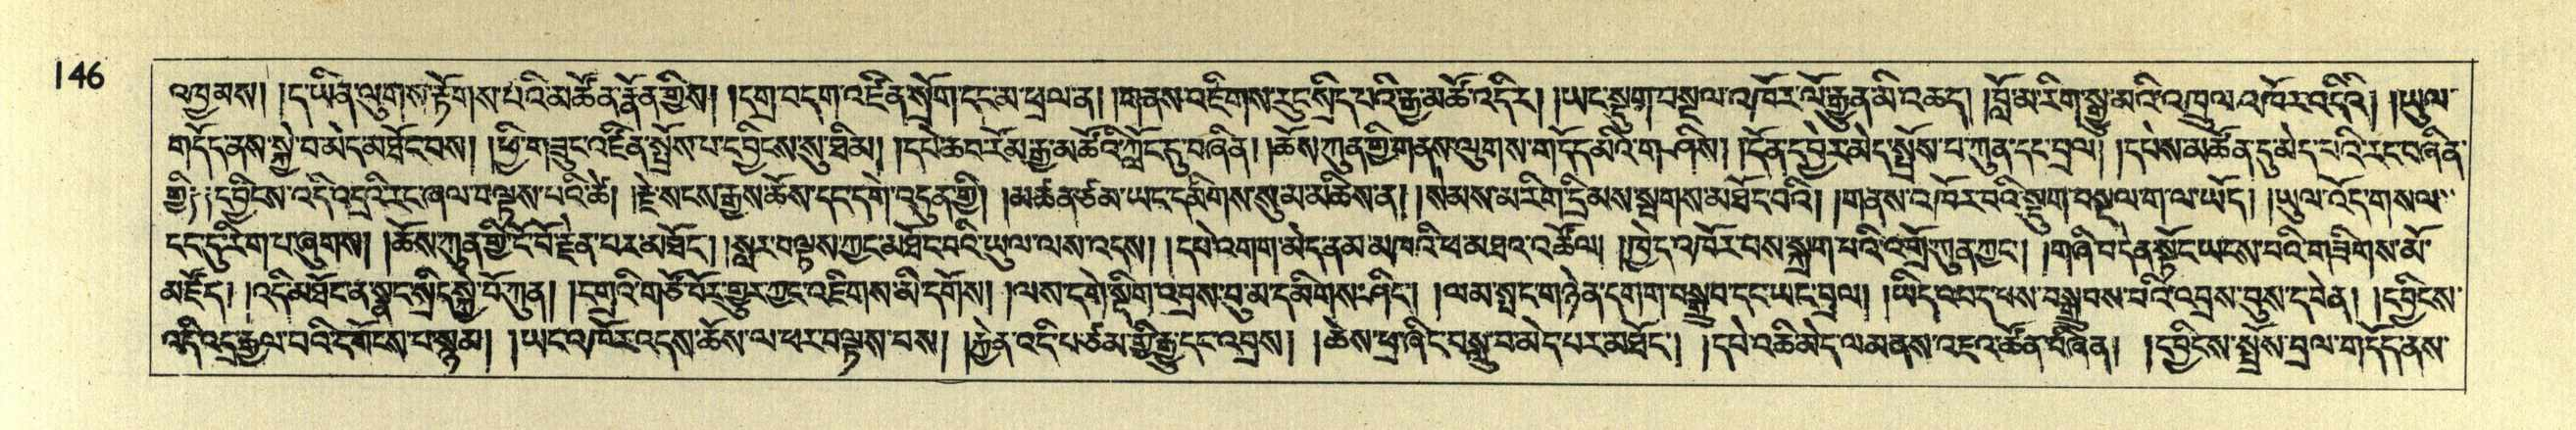འཁྱམས། །ད་ཡིན་ལུགས་རྟོགས་པའི་མཚོན་རྣོན་གྱིས། །དགྲ་བདག་འཛིན་སྲོག་དང་མ་ཕྲལ་ན། །གནས་འཇིགས་རུང་སྲིད་པའི་རྒྱ་མཚོ་འདིར། །ཡང་སྡུག་བསྔལ་འཁོར་ལོ་རྒྱུན་མི་འཆད། །བློ་མ་རིག་སྒྱུ་མའི་འཁྲུལ་འཁོར་འདིའི། །ཡུལ་
གདོད་ནས་སྐྱེ་བ་མེད་མཐོང་བས། །ཕྱི་གཟུང་འཛིན་སྤྲོས་པ་དབྱིངས་སུ་ཐིམ། །དཔེ་ཆབ་རོམ་རྒྱ་མཚོའི་ཀློང་དུ་བཞིན། །ཆོས་ཀུན་གྱི་གནས་ལུགས་གདོད་མའི་གཤིས། །དོན་དབྱེར་མེད་སྤྲོས་པ་ཀུན་དང་བྲལ། །དཔེས་མཚོན་དུ་མེད་པའི་རང་བཞིན་
གྱི༑ ༑དབྱིངས་འདི་འདྲའི་རང་ཞལ་བལྟས་པའི་ཚེ། །རྗེ་སངས་རྒྱས་ཆོས་དང་དགེ་འདུན་གྱི། །མཚན་ཙམ་ཡང་དམིགས་སུ་མ་མཆིས་ན། །སེམས་མ་རིག་དྲིམས་སྦགས་མཐོང་བའི། །གནས་འཁོར་བའི་སྡུག་བསྔལ་ག་ལ་ཡོད། །ཡུལ་འོད་གསལ་
དང་དུ་རིག་པ་ཞུགས། །ཆོས་ཀུན་གྱི་ངོ་བོ་རྗེན་པར་མཐོང་། །སླར་བལྟས་ཀྱང་མཐོང་བའི་ཡུལ་ལས་འདས། །དཔེ་འགག་མེད་ནམ་མཁའི་ཕ་མཐའ་འཚོལ། །ཁྱེད་འཁོར་བས་སྐྲག་པའི་འགྲོ་ཀུན་ཀྱང་། །གཞི་བདེན་སྟོང་ཡངས་པའི་གཟིགས་མོ་
མཛོད། །འདི་མཐོང་ན་སྣང་སྲིད་སྐྱེ་བོ་ཀུན། །དགྲའི་གཙོ་བོར་གྱུར་ཀྱང་འཇིགས་མི་དགོས། །ལས་དགེ་སྡིག་འབྲས་བུ་མ་དམིགས་ཤིང་། །ལམ་སྤང་གཉེན་དགག་བསྒྲུབ་དང་ཡང་བྲལ། །ཡིད་འབད་པས་བསྒྲུབས་པའི་འབྲས་བུས་དབེན། །དབྱིངས་
འདི་འདྲ་རྒྱལ་བའི་དགོངས་པ་སྙམ། །ཡང་འཁོར་འདས་ཆོས་ལ་ཕར་བལྟས་པས། །རྐྱེན་འདི་པ་ཙམ་གྱི་རྒྱུ་དང་འབྲས། །ཆེས་ཕྲ་ཞིང་བསླུ་བ་མེད་པར་མཐོང་། །དཔེ་འཆི་མེད་ལམ་ནས་འཇའ་ཚོན་བཞིན། །དབྱིངས་སྤྲོས་བྲལ་གདོད་ནས་